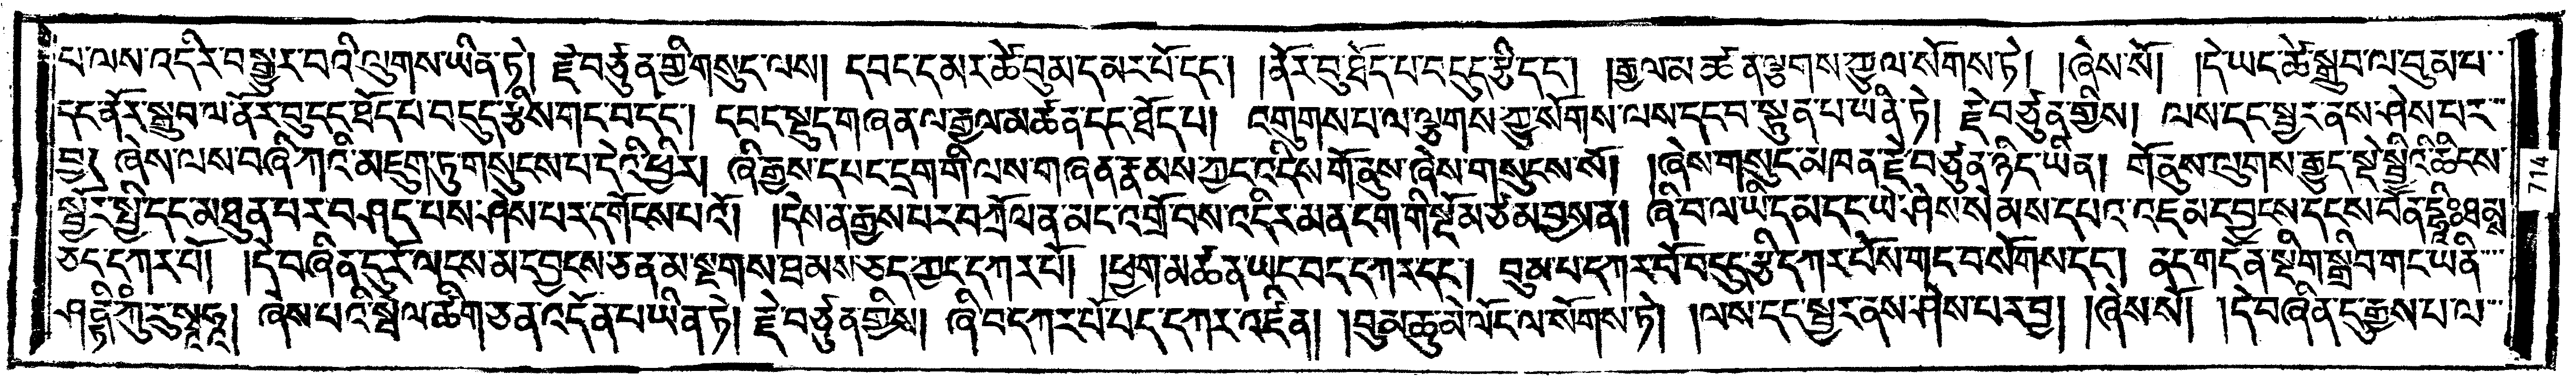པ་ལས་འདིར་བསྒྱུར་བའི་ལུགས་ཡིན་ཏེ། རྗེ་བཙུན་གྱི་གསུང་ལས། དབང་དམར་ཚེ་བུམ་དམར་པོ་དང་། །ནོར་བུ་ཐོད་པ་བདུད་རྩི་དང་། །རྒྱལ་མཚན་ལྕགས་ཀྱུ་ལ་སོགས་ཏེ། །ཞེས་སོ། །དེ་ཡང་ཚེ་སྒྲུབ་ལ་བུམ་པ་
དང་ནོར་སྒྲུབ་ལ་ནོར་བུ་དང་ཐོད་པ་བདུད་རྩིས་གང་བ་དང་། དབང་སྡུད་གཞན་ལ་རྒྱལ་མཚན་དང་ཐོད་པ། འགུགས་པ་ལ་ལྕགས་ཀྱུ་སོགས་ལས་དང་བསྟུན་པ་ཡིན་ཏེ། རྗེ་བཙུན་གྱིས། ལས་དང་སྦྱར་ནས་ཤེས་པར་
བྱ༑ ཞེས་ལས་བཞི་ཀའི་མཇུག་ཏུ་གསུངས་པ་དེའི་ཕྱིར། ཞི་རྒྱས་དཔང་དྲག་གི་ལས་གཞན་རྣམས་ཀྱང་འདིས་གོ་ནུས་ཞེས་གསུངས་སོ། །ཞེས་གསུང་མཁན་རྗེ་བཙུན་ཉིད་ཡིན། གོ་ནུས་ལུགས་རྒྱུད་སྡེ་སྤྱིའི་ཆིངས་
སྦྱོར་སྤྱི་དང་མཐུན་པར་བཤད་པས་ཤེས་པར་དགོངས་པའོ། །དེས་ན་རྒྱས་པར་བཀྲོལ་ན་མང་འགྲོ་བས་འདིར་མན་ངག་གི་སྡོམ་ཙམ་བྱས་ན། ཞི་བ་ལ་ཡི་དམ་དང་ཡེ་ཤེས་སེམས་དཔའ་འཇམ་དབྱངས་དང་ས་བོན་དྷཱིཿཐམས་
ཅད་དཀར་པོ། །དེ་བཞིན་དུ་རོ་ལངས་མ་དབྱངས་ཅན་མ་སྔགས་ཐམས་ཅད་ཀྱང་དཀར་པོ། །ཕྱག་མཚན་ཡང་པད་དཀར་དང་། བུམ་པ་དཀར་པོ་བདུད་རྩི་དཀར་པོས་གང་བ་སོགས་དང་། ནང་གདོན་སྡིག་སྒྲིབ་གང་ཡིན་
ཤནྟིཾ་ཀུ་རུ་སྭཱཧཱ། ཞེས་པའི་སྤེལ་ཚིག་ཅན་འདོན་པ་ཡིན་ཏེ། རྗེ་བཙུན་གྱིས། ཞི་བ་དཀར་པོ་པད་དཀར་འཛིན། །བུམ་ཆུ་མེ་ལོང་ལ་སོགས་ཏེ། །ལས་དང་སྦྱར་ནས་ཤེས་པར་བྱ། །ཞེས་སོ། །དེ་བཞིན་དུ་རྒྱས་པ་ལ་